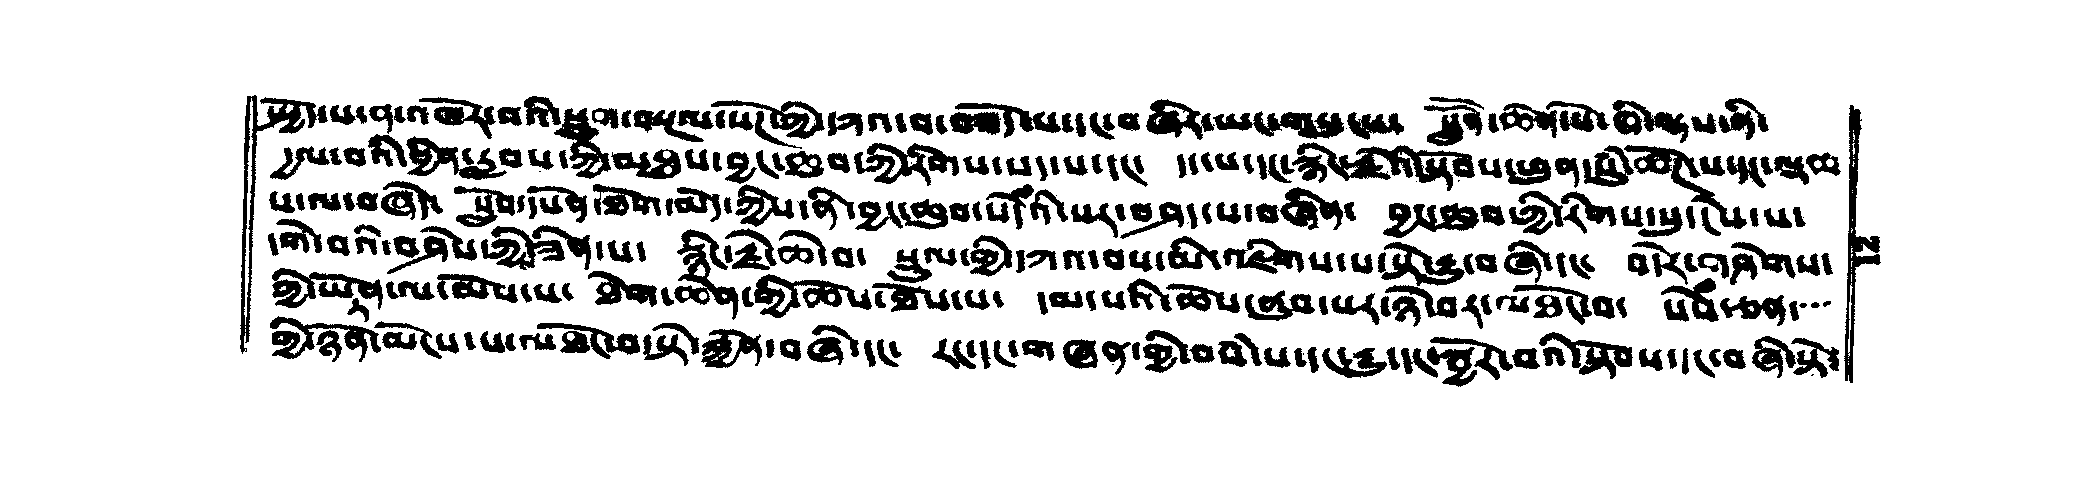སྤྱོད་པ་ན་འཁོར་བའི་སྡུག་བསྔལ་སོགས་ཀྱི་དཀའ་བ་བཟོད་པ་དང་བཞིར་ཡང་གསུང་པ། སློབ་དཔོན་ཆེན་པོ་ཞི་ལྷས་ནི། 
རྒྱལ་བའི་བྱིན་རླབས་ཀྱི་མཐུས་བྱང་ཆུབ་ཀྱི་རིགས་སད་པ་དང་། དད་པ་དང་སྙིང་རྗེའི་སྟོབས་ཕུན་སུམ་ཚོགས་པ་དང་ལྡན་
པ་ལ་བཞེད། སློབ་དཔོན་ཐོག་མེད་ཀྱིས་ནི་བྱང་ཆུབ་སེམས་དཔའི་སར་བཤད་པ་བཞིན། བྱང་ཆུབ་ཀྱི་རིགས་སུ་ངེས་པ་
དགེ་བའི་བཤེས་ཀྱིས་ཟིན་པ། སྙིང་རྗེ་ཆེ་བ། སྡུག་བསྔལ་གྱི་དཀའ་བས་མི་འཇིགས་པ་སྟེ་རྒྱུ་བཞི་དང་། བདེ་གཤེགས་
ཀྱི་ཡོན་ཏན་ལ་མོས་པ། ཐེག་ཆེན་གྱི་ཆོས་ཐོས་པ། དམ་པའི་ཆོས་ནུས་པར་ཉེ་བར་མཐོང་བ། སེམས་ཅན་
གྱི་ཉོན་མོངས་པས་མཐོང་བ་སྟེ་རྐྱེན་བཞི་དང་། རང་དང་གཞན་གྱི་བསམ་པ་དང་རྒྱུ་དང་སྦྱོར་བའི་སྟོབས་དང་བཞི་སྟེ་